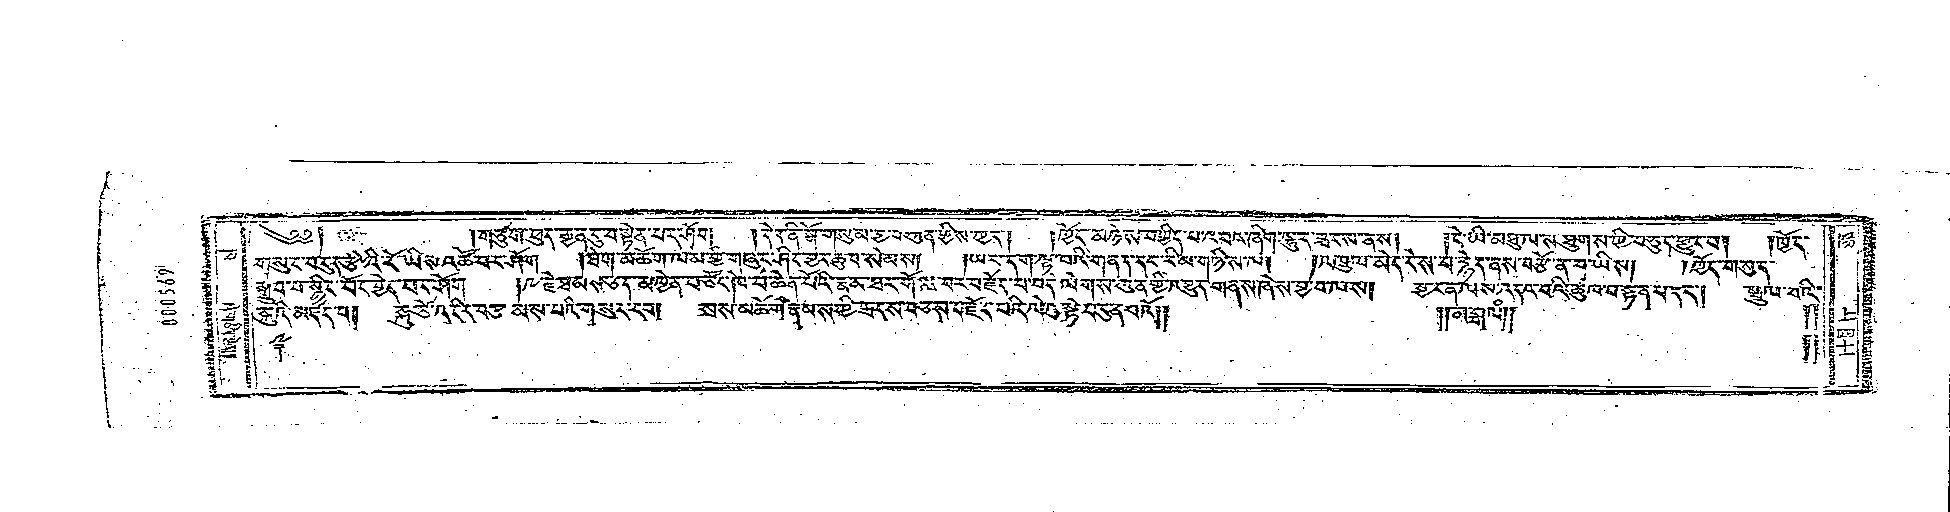༄༅། །གཙུག་ཕུང་རྒྱན་དུ་བསྟེན་པར་ཤོག །དེང་ནི་སྒོ་གསུམ་བྱ་བ་ཀུན་གྱིས་ཀྱང་། །ཁྱོད་མཉེས་བགྱིད་པ་འབའ་ཞིག་ལྟུར་བླངས་ནས། །དེ་ཡི་མཐུ་ལས་ཐུགས་ཀྱི་བཅུད་ཕྱུང་བ། །ཁྱོད་
གསུང་བདུད་རྩེའི་རོ་ཡིས་འཚོ་བར་ཤོག །ཐེག་མཆོག་ལམ་གྱི་གཞུང་ཤིང་བྱང་ཆུབ་སེམས། །ཡང་དག་ལྟ་བའི་གནད་དང་རིམ་གཉིས་ལ། །འཁྲུལ་མེད་ངེས་པ་རྙེད་ནས་བརྩོན་བ་ཡིས། །ཁྱོད་གསུད་
སྒྲུབ་པ་སྙིང་བོད་བྱེད་པར་ཤོག །༧་རྗེ་ཐམས་ཅད་མཁྱེན་པ་ཙོང་ཁ་བ་ཆེན་པོའི་རྣམ་ཐར་གོ་སླ་བར་བརྗོད་པ་བདེ་ལེགས་ཀུན་གྱི་འབྱུད་གནས་ཞེས་བྱ་བ་ལས། མྱ་ངན་ལས་འདའ་བའི་ཚུལ་བསྟན་པ་དང་། སྤྲུལ་བའི་
སྐུའི་མཛད་པ། སྐུ་ཙེ་འདིར་བརྩམས་པའི་གསུང་རབ། སྲས་མཆོག་རྣམས་ཀྱི་གྲངས་བཅས་བརྗོད་པའི་ལེའུ་སྟེ་བདུན་པའོ།། །།མངྒ་ལཾ།། །།
༈ །།